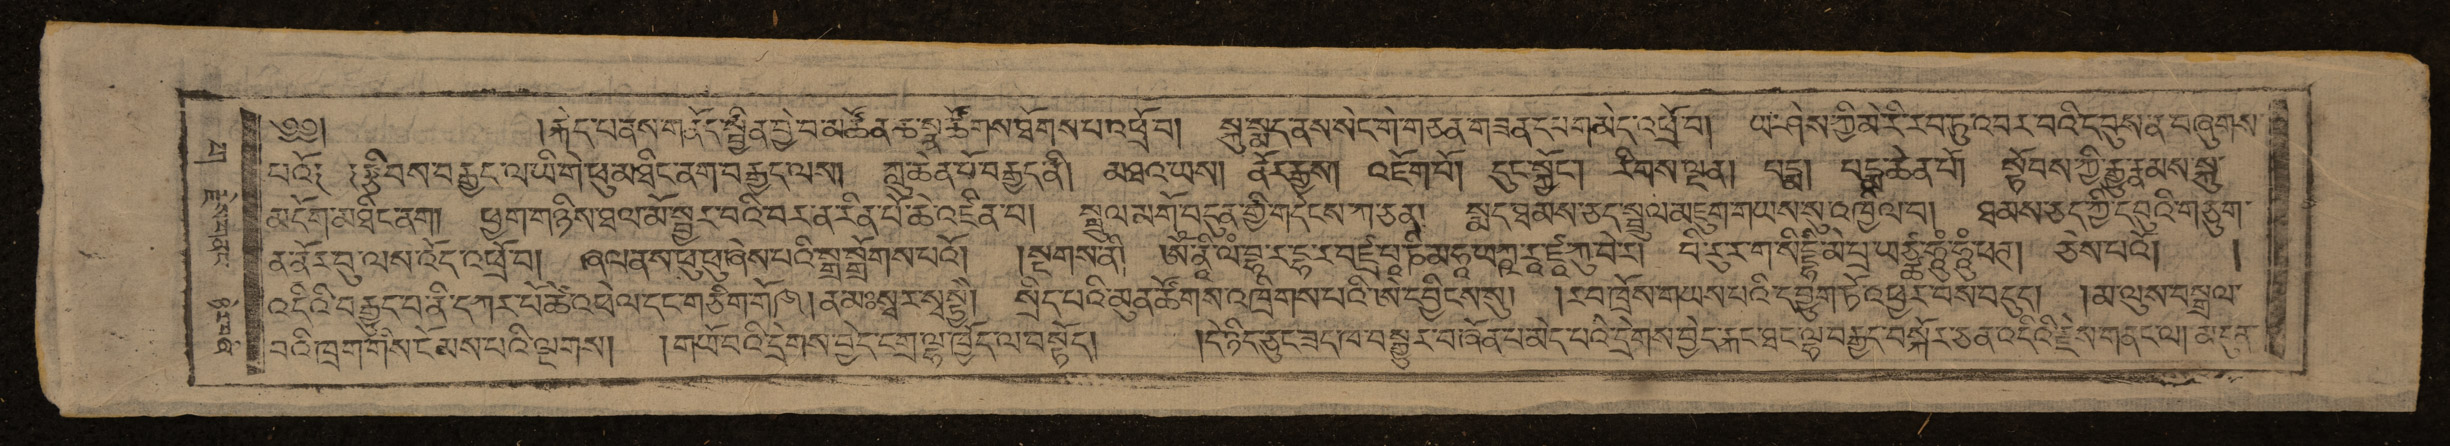༄༅། །རྐེད་པ་ནས་གནོད་སྦྱིན་བྱེ་བ་མཚོན་ཆ་སྣ་ཚོགས་ཐོགས་པ་འཕྲོ་བ། སྐུ་སྨད་ནས་སེང་གེ་གཅན་གཟན་དཔག་མེད་འཕྲོ་བ། ཡེ་ཤེས་ཀྱི་མེ་རི་རབ་ཏུ་འབར་བའི་དབུས་ན་བཞུགས་
པའོ༑ ༑རྩིབས་བརྒྱད་ལ་ཡི་གེ་ཕུ་མཐིང་ནག་བརྒྱད་ལས། ཀླུ་ཆེན་པོ་བརྒྱད་ནི། མཐའ་ཡས། ནོར་རྒྱས། འཇོག་པོ། དུང་སྐྱོང་། རིགས་ལྡན། པདམ། པདམ་ཆེན་པོ། སྟོབས་ཀྱི་རྒྱུ་རྣམས་སྐུ་
མདོག་མཐིང་ནག། ཕྱག་གཉིས་ཐལ་མོ་སྦྱར་བའི་བར་ན་རིན་པོ་ཆེ་འཛིན་པ། སྤྲུལ་མགོ་བདུན་གྱི་གདེངས་ཀ་ཅན། སྨད་ཐམས་ཅད་སྤྲུལ་མཇུག་གཡས་སུ་འཁྱིལ་བ། ཐམས་ཅད་ཀྱི་དབུའི་གཅུག་
ན་ནོར་བུ་ལས་འོད་འཕྲོ་བ། ཞལ་ནས་ཕུ་ཕུ་ཞེས་པའི་སྒྲ་སྒྲོགས་པའོ། །སྔགས་ནི། ཨོཾ་ནཱི་ལཾ་བྷ་ར་དྷ་ར་བཛྲ་པཱ་ཎི་མཧཱ་ཡཀྵ་རཱ་ཛཱ་ཀུ་བེ་ར། བི་རུ་ར་ག་སིདྡྷི་མེ་པྲ་ཡཙྪ་ཧཱུཾ་ཧཱུཾ་ཕཊ། ཅེས་པའོ། །
འདིའི་བརྒྱུད་པ་ནི་དཀར་པོ་ཚེ་འཕེལ་དང་གཅིག་གོ ༦?་།ན་མཿསྭ་ར་སྭསྟྱཻ། སྲིད་པའི་མུན་ཚོགས་འཁྲིགས་པའི་ཨེ་དབྱིངས་སུ། །རབ་ཁྲོས་གཡས་པའི་དབྱུག་ཏོ་འཕྱར་བས་བདུད། །མ་ལུས་བསྒྲལ་
བའི་ཁྲག་གིས་ངོམས་པའི་ལྗགས། །གཡོ་བའི་དྲེགས་བྱེད་དགྲ་ལྷ་ཁྱོད་ལ་བསྟོད། །དེ་ཉིད་ཅུང་ཟད་ཁ་བསྒྱུར་བཞོན་པ་མེད་པའི་དྲེགས་བྱེད་རྐང་ཐང་ལྷ་བརྒྱད་བསྐོར་ཅན་འདིའི་རྗེས་གནང་ལ། མདུན་